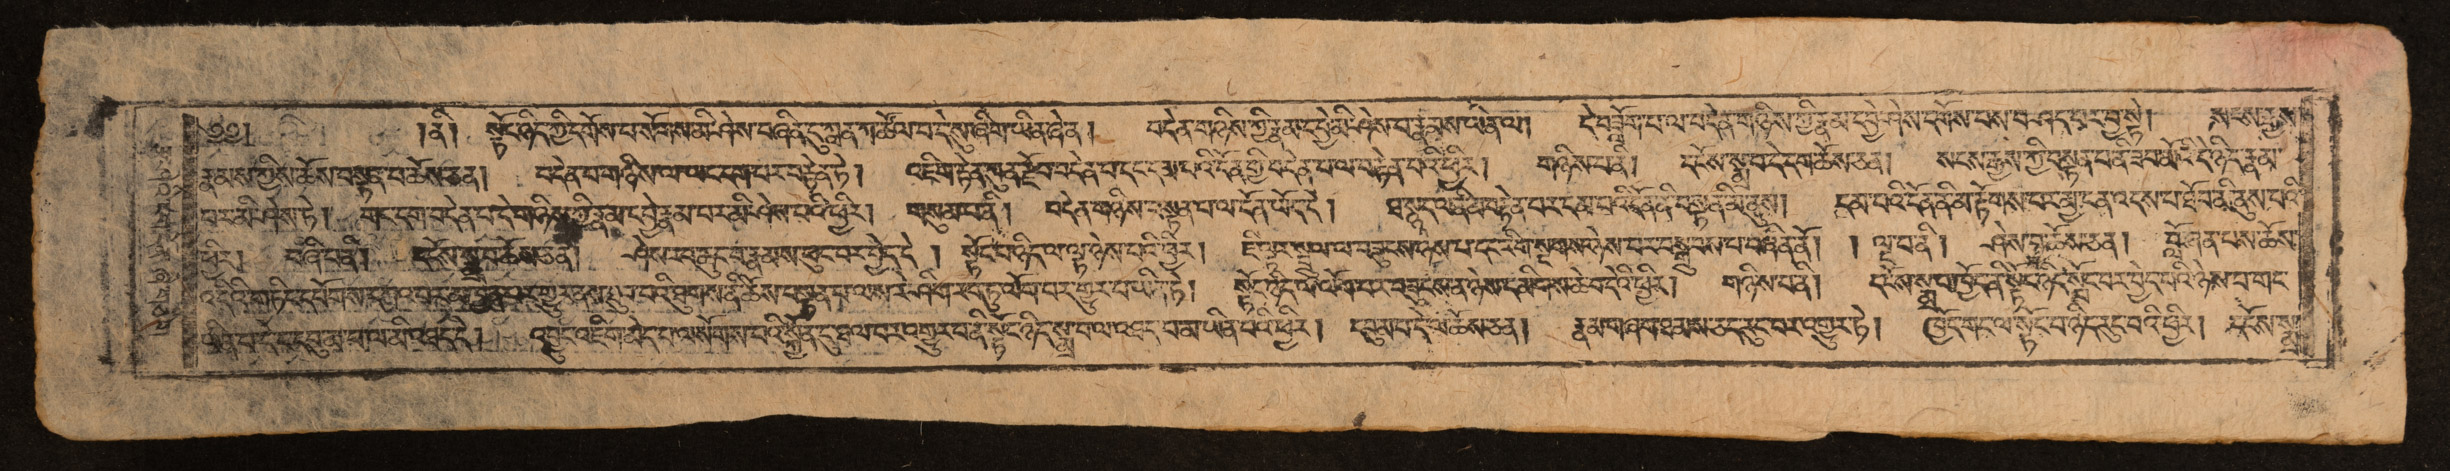༄༅། །ནི། སྟོང་ཉིད་ཀྱི་དགོས་པ་སོགས་མི་ཤེས་བཞིན་དུ་ཀླན་ཀ་ཚོལ་བ་དེ་སུ་ཞིག་ཡིན་ཞེ་ན། བདེན་གཉིས་ཀྱི་རྣམ་དབྱེ་མི་ཤེས་པ་རྣམས་ཡིན་ལ། དེ་བཟློག་པ་ལ་བདེན་གཉིས་ཀྱི་རྣམ་དབྱེ་ཤེས་དགོས་པས་བཤད་པར་བྱ་སྟེ། སངས་རྒྱས་
རྣམས་ཀྱིས་ཆོས་བསྟན་པ་ཆོས་ཅན། བདེན་པ་གཉིས་ལ་ཡང་དག་པར་བརྟེན་ཏེ། འཇིག་རྟེན་ཀུན་རྫོབ་བདེན་པ་དང་དམ་པའི་དོན་གྱི་བདེན་པ་ལ་བརྟེན་པའི་ཕྱིར། གཉིས་པ་ནི། དངོས་སྨྲ་བ་དེ་དག་ཆོས་ཅན། སངས་རྒྱས་ཀྱི་བསྟན་པ་ནི་ཟབ་མོའི་དེ་ཉིད་རྣམ་
པར་མི་ཤེས་ཏེ། གང་དག་བདེན་པ་དེ་གཉིས་ཀྱི་རྣམ་དབྱེ་རྣམ་པར་མི་ཤེས་པའི་ཕྱིར། གསུམ་པ་ནི། བདེན་གཉིས་བསྟན་པ་ལ་དོན་ཡོད་དེ། ཐ་སྙད་ལ་ནི་མ་བརྟེན་པར་དམ་པའི་དོན་ནི་བསྟན་མི་ནུས། དམ་པའི་དོན་ནི་མ་རྟོགས་པར་མྱ་ངན་འདས་པ་ཐོབ་མི་ནུས་པའི་
ཕྱིར། བཞི་པ་ནི། དངོས་སྨྲ་བ་ཆོས་ཅན། ཤེས་རབ་ཆུང་བ་རྣམས་ཕུང་བར་བྱེད་དེ། སྟོང་པ་ཉིད་ལ་ལྟ་ཉེས་པའི་ཕྱིར། ཇི་ལྟར་སྦྲུལ་ལ་བཟུངས་ཉེས་པ་དང་རིག་སྔགས་ཉེས་པར་བསྒྲུབས་པ་བཞིན་ནོ། །ལྔ་པ་ནི། ཤེས་བྱ་ཆོས་ཅན། བློ་ཞན་པས་ཆོས་
འདིའི་གཏིང་དཔོགས་དཀའ་བར་མཁྱེན་པར་གྱུར་ནས་ཐུབ་པའི་ཐུགས་ནི་ཆོས་བསྟན་པ་ལས་རེ་ཤིག་རབ་ཏུ་ལོག་པར་གྱུར་པ་ཡིན་ཏེ། སྟོང་ཉིད་ལ་ལོག་པར་བཟུངས་ན་ཉེས་དམིགས་ཆེ་བ་དེའི་ཕྱིར། གཉིས་པ་ནི། དངོས་སྨྲ་བ་ཁྱོད་ནི་སྟོང་ཉིད་སྤོང་བར་བྱེད་པའི་ཉེས་པ་གང་
ཡིན་པ་དེ་ང་དབུ་མ་པ་ལ་མི་འཐད་དེ། འབྱུང་འཇིག་མེད་པ་ལ་སོགས་པའི་སྐྱོན་དུ་ཐལ་བར་འགྱུར་བ་ནི་སྟོང་ཉིད་སྨྲ་བ་ལ་འཐད་པ་མ་ཡིན་པའི་ཕྱིར། དབུ་མ་པ་དེ་ལ་ཆོས་ཅན། རྣམ་གཞག་ཐམས་ཅད་རུང་བར་འགྱུར་ཏེ། ཁྱོད་གང་ལ་སྟོང་པ་ཉིད་རུང་བའི་ཕྱིར། དངོས་སྨྲ་